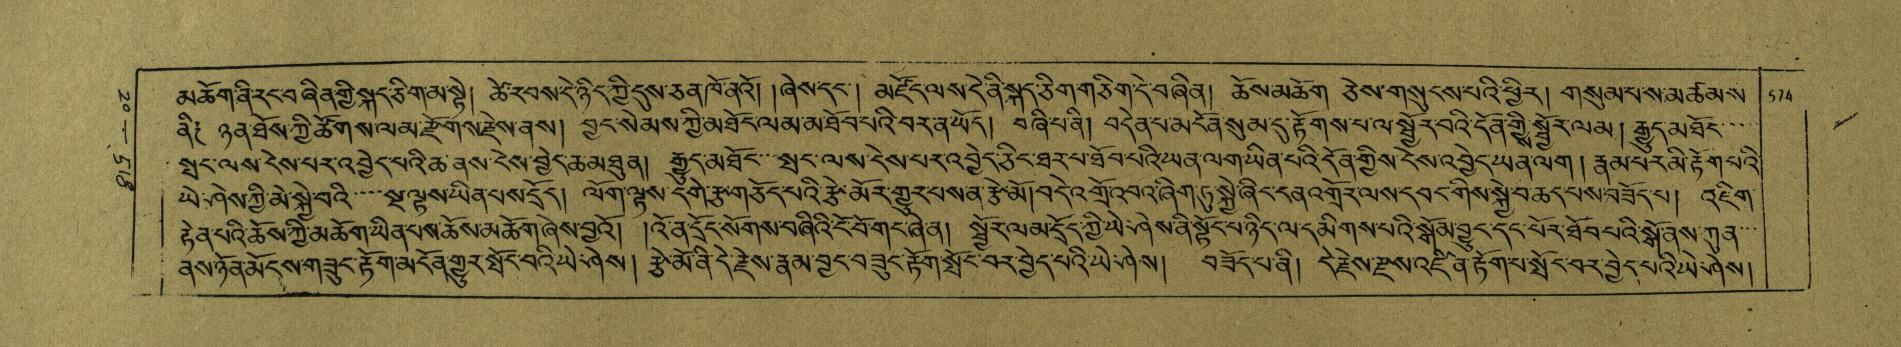མཆོག་ནི་རང་བཞིན་གྱི་སྐད་ཅིག་མ་སྟེ། ཚེ་རབས་དེ་ཉིད་ཀྱི་དུས་ཅན་ཁོ་ནའོ། །ཞེས་དང་། མཛོད་ལས་དེ་ནི་སྐད་ཅིག་གཅིག་དེ་བཞིན། ཆོས་མཆོག་ཅེས་གསུངས་པའི་ཕྱིར། གསུམ་པ་ས་མཚམས་
ནི༑ ཉན་ཐོས་ཀྱི་ཚོགས་ལམ་རྫོགས་རྗེས་ནས། བྱང་སེམས་ཀྱི་མཐོང་ལམ་མཐོབ་པའི་བར་ན་ཡོད། བཞི་པ་ནི། བདེན་པ་མངོན་སུམ་དུ་རྟོགས་པ་ལ་སྦྱོར་བའི་དོན་གྱིས་སྦྱོར་ལམ། རྒྱུད་མཐོང་
སྤང་ལས་ངེས་པར་འབྱེད་པའི་ཆ་ནས་ངེས་བྱེད་ཆ་མཐུན། རྒྱུད་མཐོང་སྤང་ལས་ངེས་པར་འབྱེད་ཅིང་ཐར་པ་ཐོབ་པའི་ཡན་ལག་ཡིན་པའི་དོན་གྱིས་ངེས་འབྱེད་ཡན་ལག །རྣམ་པར་མི་རྟོག་པའི་
ཡེ་ཤེས་ཀྱི་མེ་སྐྱེ་བའི་སྔ་ལྟས་ཡིན་པས་དྲོད། ལོག་ལྟས་དགེ་རྩ་གཅོད་པའི་རྩེ་མོར་གྱུར་པས་ན་རྩེ་མོ། བདེ་འགྲོ་འབའ་ཞིག་ཏུ་སྐྱེ་ཞིང་ངན་འགྲོར་ལས་དབང་གིས་སྐྱེ་བ་ཆད་པས་བཟོད་པ། འཇིག་
རྟེན་པའི་ཆོས་ཀྱི་མཆོག་ཡིན་པས་ཆོས་མཆོག་ཞེས་བྱའོ། །འོ་ན་དྲོད་སོགས་བཞིའི་ངོ་བོ་གང་ཞེ་ན། སྦྱོར་ལམ་དྲོད་ཀྱི་ཡེ་ཤེས་ནི་སྟོང་པ་ཉིད་ལ་དམིགས་པའི་སྒོམ་བྱུང་དང་པོར་ཐོབ་པའི་སྒོ་ནས་ཀུན་
ནས་ཉོན་མོངས་གཟུང་རྟོག་མངོན་གྱུར་སྤོང་བའི་ཡེ་ཤེས། རྩེ་མོ་ནི་དེ་རྗེས་རྣམ་བྱང་བཟུང་རྟོག་སྤོང་བར་བྱེད་པའི་ཡེ་ཤེས། བཟོད་པ་ནི། དེ་རྗེས་རྫས་འཛིན་རྟོག་པ་སྤོང་བར་བྱེད་པའི་ཡེ་ཤེས།